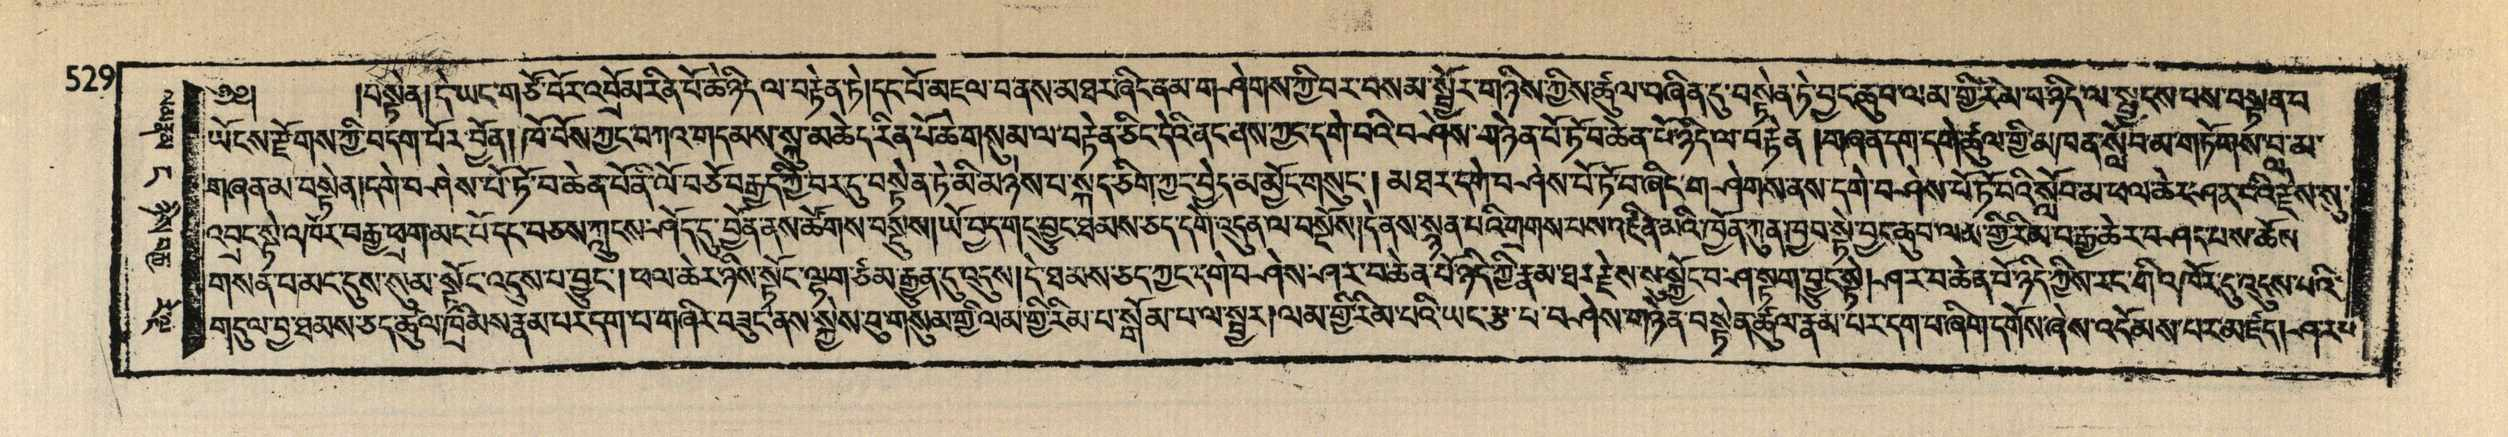༄༅། །བསྟེན། དེ་ཡང་གཙོ་བོར་འབྲོམ་རིན་པོ་ཆེ་ཉིད་ལ་བརྟེན་ཏེ། དང་པོ་མཇལ་བ་ནས་མཐར་ཞིང་ནམ་གཤེགས་ཀྱི་བར་བསམ་སྦྱོར་གཉིས་ཀྱིས་ཚུལ་བཞིན་དུ་བསྟེན་ཏེ་བྱང་ཆུབ་ལམ་གྱི་རིམ་བ་ཉིད་ལ་སྦྱངས་པས་བསྟན་པ་
ཡོངས་རྫོགས་ཀྱི་བདག་པོར་བྱོན། ཁོ་བོས་ཀྱང་བཀའ་གདམས་སྐུ་མཆེད་རིན་པོ་ཆེ་གསུམ་ལ་བརྟེན་ཅིང་དེའི་ནང་ནས་ཀྱང་དགེ་བའི་བཤེས་གཉེན་པོ་ཏོ་བ་ཆེན་པོ་ཉིད་ལ་བརྟེན་།གཞན་དག་དགེ་ཚུལ་གྱི་མཁན་སློབ་མ་གཏོགས་བླ་མ་
གཞན་མ་བསྟེན། དགེ་བཤེས་པོ་ཏོ་བ་ཆེན་པོ་ནི་ལོ་བཅོ་བརྒྱད་ཀྱི་བར་དུ་བསྟེན་ཏེ་མི་མཉེས་པ་སྐད་ཅིག་ཀྱང་བྱེད་མ་མྱོང་གསུང་། མཐར་དགེ་བཤེས་པོ་ཏོ་བ་ཞིང་གཤེགས་ནས་དགེ་བཤེས་པོ་ཏོ་བའི་སློབ་མ་ཕལ་ཆེར་ཤན་བའི་རྗེས་སུ་
འབྲང་སྟེ་འཁོར་བརྒྱ་ཕྲག་མང་པོ་དང་བཅས་ཀླུངས་ཤོད་དུ་བྱོན་ནས་ཚོགས་བསྡུས། ཡོ་བྱད་གང་བྱུང་ཐམས་ཅད་དགེ་འདུན་ལ་བསྔོས། དེ་ནས་སྙན་པའི་གྲགས་པས་འཛིན་མའི་ཁྱོན་ཀུན་ཁྱབ་སྟེ་བྱང་ཆུབ་ལམ་གྱི་རིམ་བརྒྱ་ཆེར་བཤད་པས་ཆོས་
གསན་བ་མང་དུས་སུམ་སྟོང་འདུས་པ་བྱུང་། ཕལ་ཆེར་ཉིས་སྟོང་ལྷག་ཙམ་རྒྱུན་དུ་འདུས། དེ་ཐམས་ཅད་ཀྱང་དགེ་བཤེས་ཤར་བ་ཆེན་པོ་ཉིད་ཀྱི་རྣམ་ཐར་རྗེས་སུ་སྐྱོང་བ་ཤ་སྟག་བྱུང་སྟེ། ཤར་བ་ཆེན་པོ་ཉིད་ཀྱིས་རང་གི་འཁོར་དུ་འདུས་པའི་
གདུལ་བྱ་ཐམས་ཅད་ཚུལ་ཁྲིམས་རྣམ་པར་དག་པ་གཞིར་བཟུང་ནས་སྐྱེས་བུ་གསུམ་གྱི་ལམ་གྱི་རིམ་པ་སྒོམ་པ་ལ་སྦྱར། ལམ་གྱི་རིམ་པའི་ཡང་རྩ་པ་བཤེས་གཉེན་བསྟེན་ཚུལ་རྣམ་པར་དག་བ་ཞིག་དགོས་ཞེས་འདོམས་པར་མཛད། ཤ་རབ་